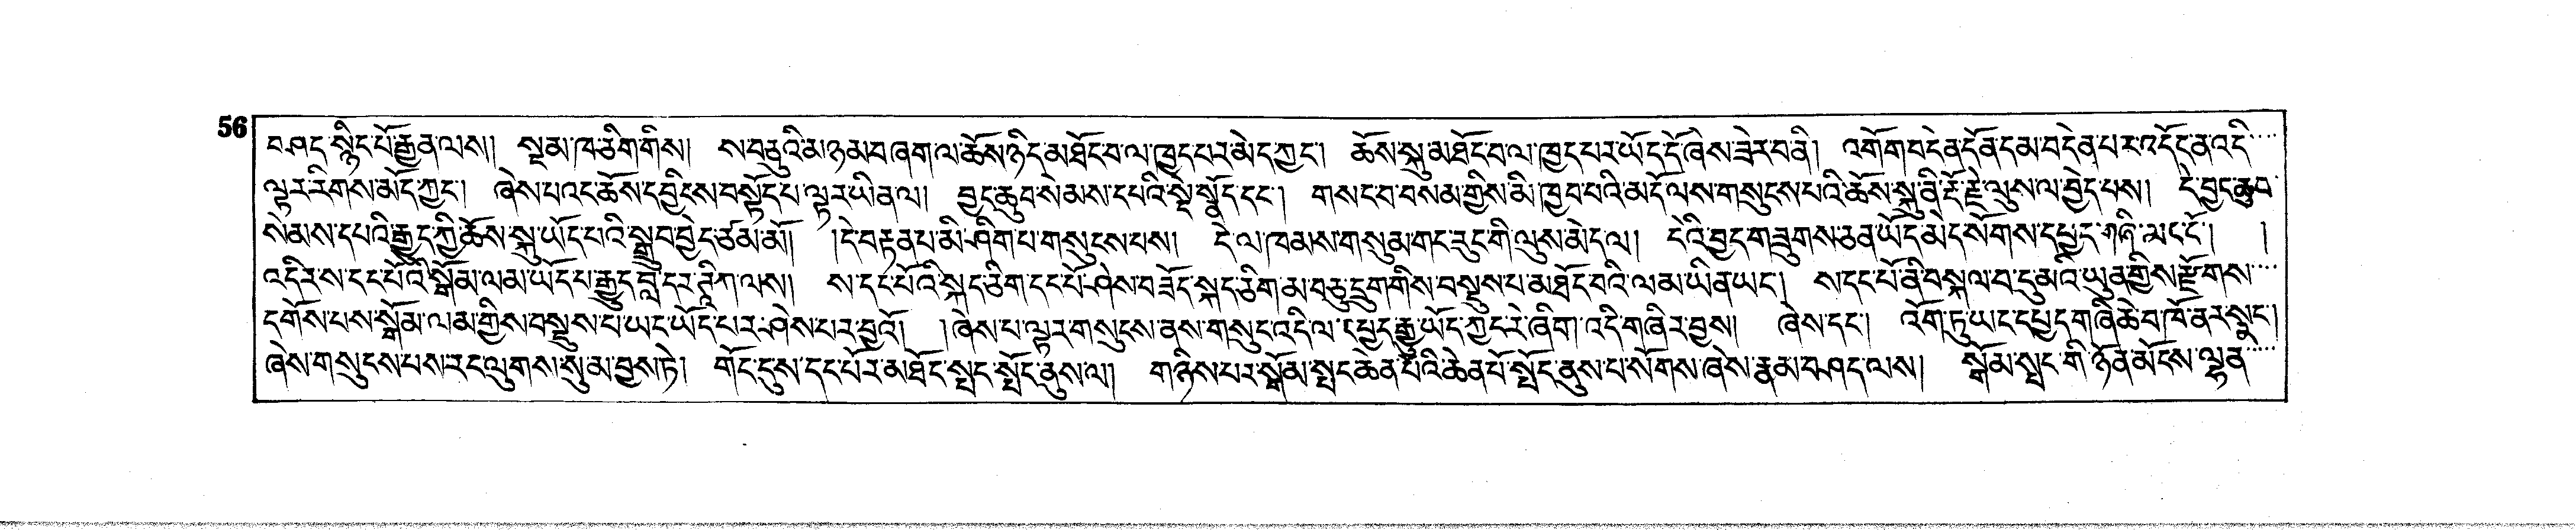བཤད་སྙིང་པོ་རྒྱན་ལས། སྔམ་ཁ་ཅིག་གིས། ས་བཅུའི་མཉམ་བཞག་ལ་ཆོས་ཉིད་མཐོང་བ་ལ་ཁྱད་པར་མེད་ཀྱང་། ཆོས་སྐུ་མཐོང་བ་ལ་ཁྱད་པར་ཡོད་དོ་ཞེས་ཟེར་བ་ནི། འགོག་བདེན་དོན་དམ་བདེན་པར་འདོད་ན་འདི་
ལྟར་རིགས་མོད་ཀྱང་། ཞེས་པའང་ཆོས་དབྱིངས་བསྟོད་པ་ལྟར་ཡིན་ལ། བྱང་ཆུབ་སེམས་དཔའི་སྡེ་སྣོད་དང་། གསང་བ་བསམ་གྱིས་མི་ཁྱབ་པའི་མདོ་ལས་གསུངས་པའི་ཆོས་སྐུ་ནི་རྡོ་རྗེ་ལུས་ལ་བྱེད་པས། དེ་བྱང་ཆུབ་
སེམས་དཔའི་རྒྱུད་ཀྱི་ཆོས་སྐུ་ཡོད་པའི་སྒྲུབ་བྱེད་ཙམ་མོ། །དེ་བརྟན་པ་མི་ཤིག་པ་གསུངས་པས། དེ་ལ་ཁམས་གསུམ་གང་རུང་གི་ལུས་མེད་ལ། དེའི་བྱད་གཟུགས་ཅན་ཡོད་མེད་སོགས་དཔྱད་གཞི་མང་ངོ། །
འདིར་ས་དང་པོའི་སྒོམ་ལམ་ཡོད་པ་རྒྱུད་བླ་དར་ཊཱིཀ་ལས། ས་དང་པོའི་སྐད་ཅིག་དང་པོ་ཤེས་བཟོད་སྐད་ཅིག་མ་བཅུ་དྲུག་གིས་བསྡུས་པ་མཐོང་བའི་ལམ་ཡིན་ཡང་། ས་དང་པོ་ནི་བསྐལ་བ་དུ་མའི་ཡུན་གྱིས་རྫོགས་
དགོས་པས་སྒོམ་ལམ་གྱིས་བསྡུས་པ་ཡང་ཡོད་པར་ཤེས་པར་བྱའོ། །ཞེས་པ་ལྟར་གསུངས་ནས་གསུང་འདི་ལ་དཔྱད་རྒྱུ་ཡོད་ཀྱང་རེ་ཞིག་འདི་གཞིར་བྱས། ཞེས་དང་། འོག་ཏུ་ཡང་དཔྱད་གཞི་ཆེ་བ་ཁོ་ནར་སྣང་།
ཞེས་གསུངས་པས་རང་ལུགས་སུ་མ་བྱས་ཏེ། གོང་དུ་ས་དང་པོར་མཐོང་སྤང་སྤོང་ནུས་ལ། གཉིས་པར་སྒོམ་སྤང་ཆེན་པོའི་ཆེན་པོ་སྤོང་ནུས་པ་སོགས་ཞེས་རྣམ་བཤད་ལས། སྒོམ་སྤང་གི་ཉོན་མོངས་ལྷན་